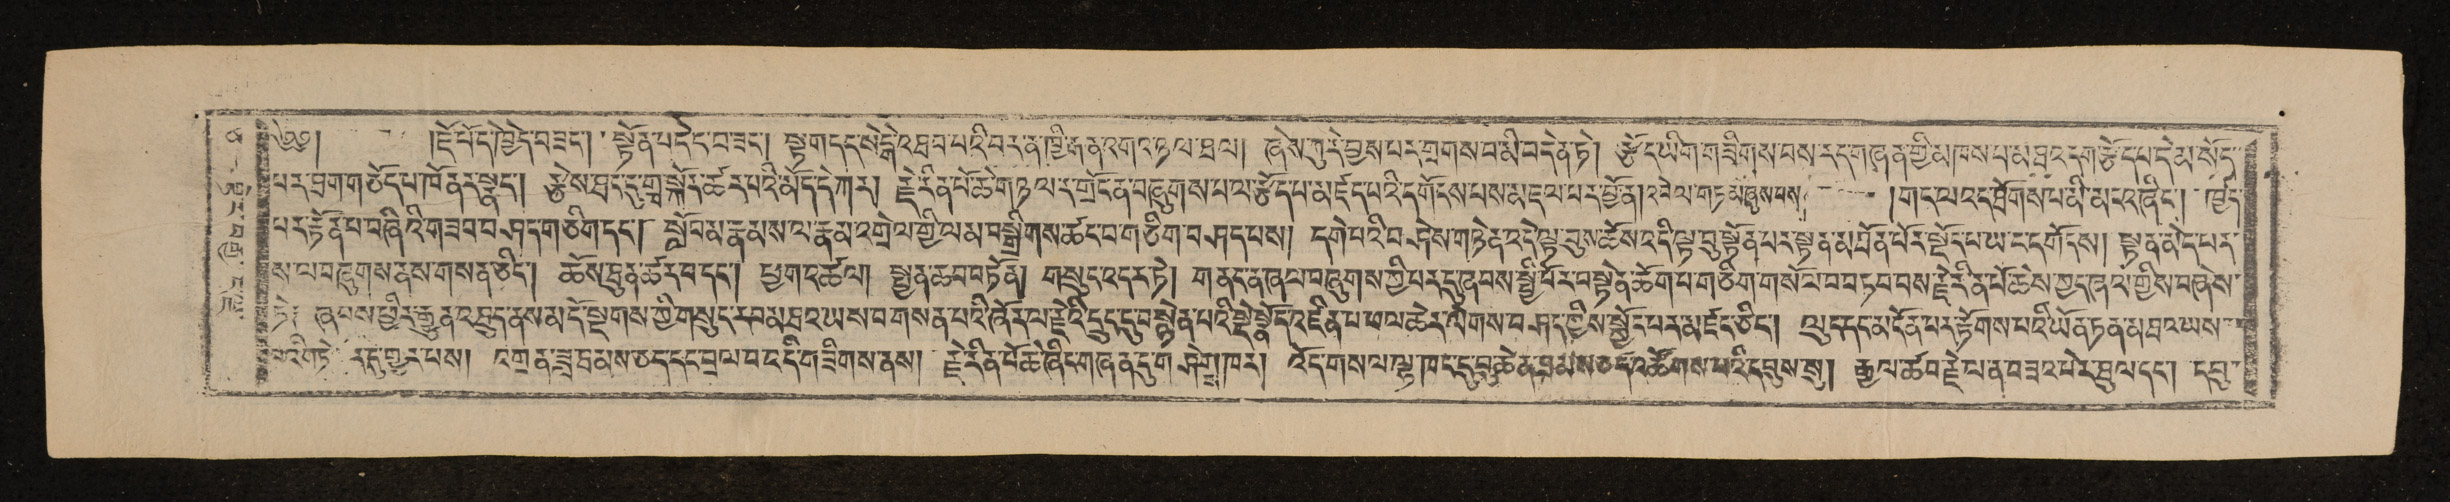༄༅། །ཇོ་བོ་དེ་ཁྱེད་བཟང་། སྟོན་པ་དེང་བཟང་། སྟག་དང་སེངྒེ་འཐབ་པའི་བར་ན་ཁྱི་རྒན་འགའ་ཉལ་ཐལ། ཞེས་ཀུ་རེ་བྱས་པར་གྲགས་པ་མི་བདེན་ཏེ། རྩོད་ཡིག་གཟིགས་པས་རང་གཞན་བྱི་མཁས་པ་མཐའ་དག་རྩོད་པ་དེ་མ་སོང་
བར་ཐག་གཅོད་པ་ཁོ་ནར་སྣང་། རྩེས་ཐང་དུ་སྒྲྭ་སྐོར་ཚར་བའི་མོད་དེ་ཀར། རྗེ་རིན་པོ་ཆེ་གཉལ་ར་གྲོང་ན་བཞུགས་པ་ལ་རྩོད་པ་མཛད་བའི་དགོངས་པས་མཇལ་བར་བྱོན། འབེལ་གཏམ་ཞུས་པས། གང་ལའང་ཐོགས་བ་མི་མངའ་ཞིང་། ཁྱད་
པར་རྟོན་པ་བཞིའི་གཟའ་བཤད་གཅིག་དང་། སློབ་མ་རྣམས་ལ་རྣམ་འགྲེལ་གྱི་ལམ་བསྒྲིགས་ཚད་པ་གཅིག་བཤད་པས། དགེ་བའི་བཤེས་གཉེན་འདི་ལྟ་བུས་ཆོས་འདི་ལྟ་བུ་སྟོན་པར་སྟན་མཐོན་པོར་སྡོད་པ་ཡང་ང་དགོངས། སྟན་མེད་པར་
ས་ལ་བཞུགས་ནས་གསན་ཅིང་། ཆོས་ཐུན་ཚར་བ་དང་། ཕྱག་འཚལ། སྤྱན་ཆབ་བཏོན། གསུང་འདར་ཏེ། གནང་ན་ཞལ་བཞུགས་ཀྱི་བར་དུ་ཞབས་སྤྱི་བོར་བསྟེན་ཆོག་པ་གཅིག་གསོལ་བ་བཏབ་པས་རྗེ་རིན་པོ་ཆེས་ཀྱང་ཞལ་གྱིས་བཞེས་
ཏེ༑ ཞབས་ཕྱིར་རྒྱུན་འཐུད་ནས་མདོ་སྔགས་ཀྱི་གསུང་རབ་མཐའ་ཡས་པ་གསན་པའི་ཞོར་ལ་རྗེའི་དྲུང་དུ་བསྙེན་པའི་སྡེ་སྣོད་འཛིན་པ་ཕལ་ཆེར་ལེབས་བཤད་ཀྱིས་སྐྱོང་པར་མཛད་ཅིང་། ལུང་དང་མངོན་པར་རྟོགས་པའི་ཡོན་ཏན་མཐའ་ལས་
པའི་གཏེར་དུ་གྱུར་པས། འགྲན་ཟླ་ཐམས་ཅད་དང་བྲལ་བ་འདི་གཟིགས་ནས། རྗེ་རིན་པོ་ཆེ་ཞིང་གཞན་དུ་གཤེགས་ཁར། འོད་གསལ་ལྷ་ཁང་དུ་བུ་ཆེན་ཐམས་ཅད་འཚོགས་པའི་དབུས་སུ། རྒྱལ་ཚབ་རྗེ་ལན་བཟའ་བེར་ཐུལ་དང་། དབུ་